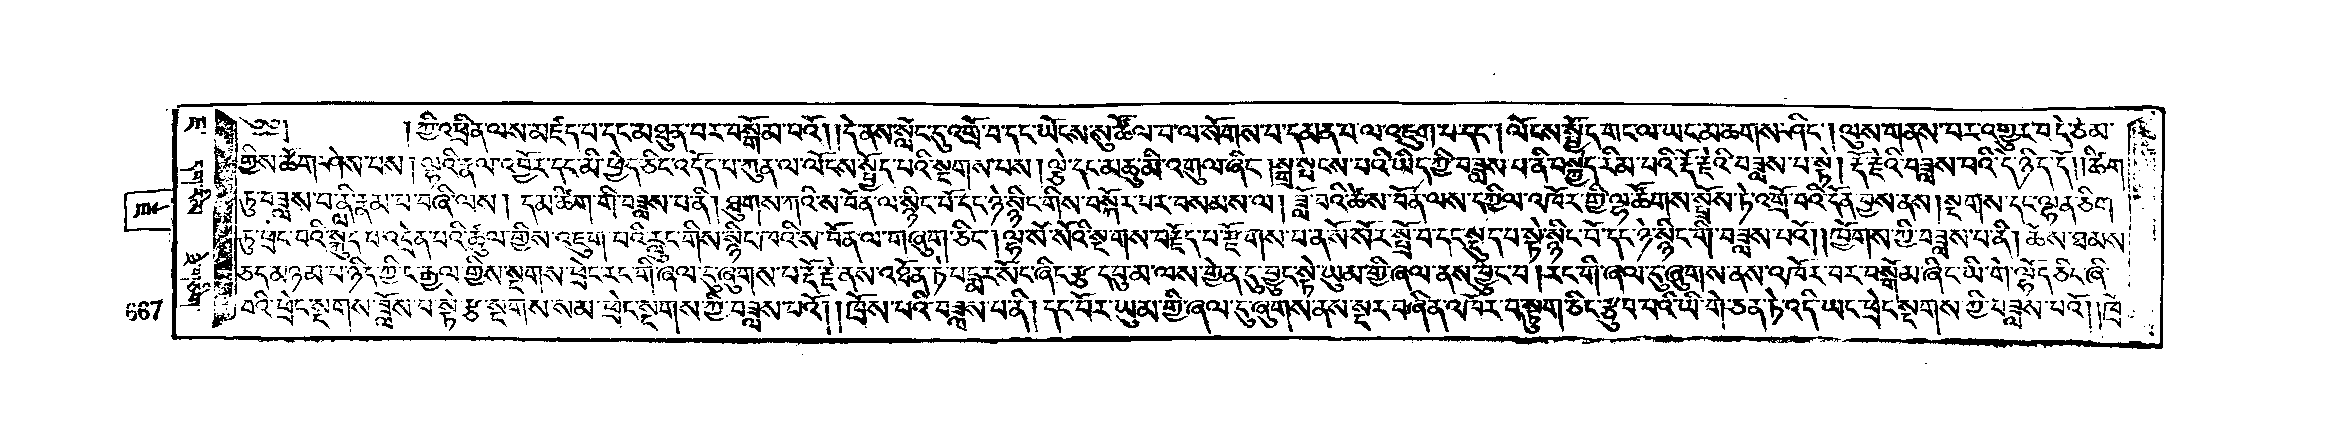༄༅། །ཀྱི་འཕྲིན་ལས་མཛད་པ་དང་མཐུན་པར་བསྒོམ་པའོ། །དེ་ནས་སློང་དུ་འགྲོ་བ་དང་ཡོངས་སུ་ཚོལ་བ་ལ་སོགས་པ་དམན་པ་ལ་འཇུག་པ་དང་། ལོངས་སྤྱོད་གང་ལ་ཡང་མ་ཆགས་ཤིང་། ལུས་གནས་པར་འགྱུར་བ་དེ་ཙམ་
གྱིས་ཆོག་ཤེས་པས། ལྷའི་རྣལ་འབྱོར་དང་མི་ཕྱེད་ཅིང་འདོད་པ་ཀུན་ལ་ལོངས་སྤྱོད་པའི་སྔགས་པས། ལྕེ་དང་མཆུ་མི་འགུལ་ཞིང་། སྒྲ་སྤངས་པའི་ཡིད་ཀྱི་བཟླས་པ་ནི་བསྐྱེད་རིམ་པའི་རྡོ་རྗེའི་བཟླས་པ་སྟེ། རྡོ་རྗེའི་བཟླས་པའི་དེ་ཉིད་དོ། །ཚིག་
ཏུ་བཟླས་པ་ལ་ནི་རྣམ་པ་བཞི་ལས། དམ་ཚིག་གི་བཟླས་པ་ནི། ཐུགས་ཀའི་ས་བོན་ལ་སྙིང་པོ་དང་ཉེ་སྙིང་གིས་བསྐོར་བར་བསམས་ལ། ཟློ་བའི་ཚེ་ས་བོན་ལས་དཀྱིལ་འཁོར་གྱི་ལྷ་ཚོགས་སྤྲོས་ཏེ་འགྲོ་བའི་དོན་བྱས་ནས། སྔགས་དང་ལྷན་ཅིག་
ཏུ་ཕྲེང་བའི་སྐུད་པ་འདྲེན་པའི་ཚུལ་གྱིས་འཇུག་པའི་རླུང་གིས་སྙིང་ཁའི་ས་བོན་ལ་གཞུག་ཅིང་། ལྷ་སོ་སོའི་སྔགས་བརྗོད་པ་རྫོགས་པ་ན་སོ་སོར་སྤྲོ་བ་དང་སྡུད་པ་སྟེ་སྙིང་པོ་དང་ཉེ་སྙིང་གི་བཟླས་པའོ། །ཁྱོགས་ཀྱི་བཟླས་པ་ནི། ཆོས་ཐམས་
ཅད་མཉམ་པ་ཉིད་ཀྱི་ང་རྒྱལ་གྱིས་སྔགས་ཕྲེང་རང་གི་ཞལ་དུ་ཞུགས་པ་རྡོ་རྗེ་ནས་འཐོན་ཏེ་པདམར་སོང་ཞིང་རྩ་དབུ་མ་ལས་གྱེན་དུ་བྱུང་སྟེ་ཡུམ་གྱི་ཞལ་ནས་བྱུང་བ། རང་གི་ཞལ་དུ་ཞུགས་ནས་འཁོར་བར་བསྒོམ་ཞིང་ཡི་གེ་ལྷོད་ཅིང་ཞི་
བའི་ཕྲེང་སྔགས་ཟློས་པ་སྟེ་རྩ་སྔགས་སམ་ཕྲེང་སྔགས་ཀྱི་བཟླས་པའོ། །ཁྲོས་པའི་བཟླས་པ་ནི། དང་པོར་ཡུམ་གྱི་ཞལ་དུ་ཞུགས་ནས་སྔར་བཞིན་འཁོར་བ་སྟུག་ཅིང་རྩུབ་པའི་ཡི་གེ་ཅན་ཏེ་འདི་ཡང་ཕྲེང་སྔགས་ཀྱི་བཟླས་པའོ། །ཁྲོ་